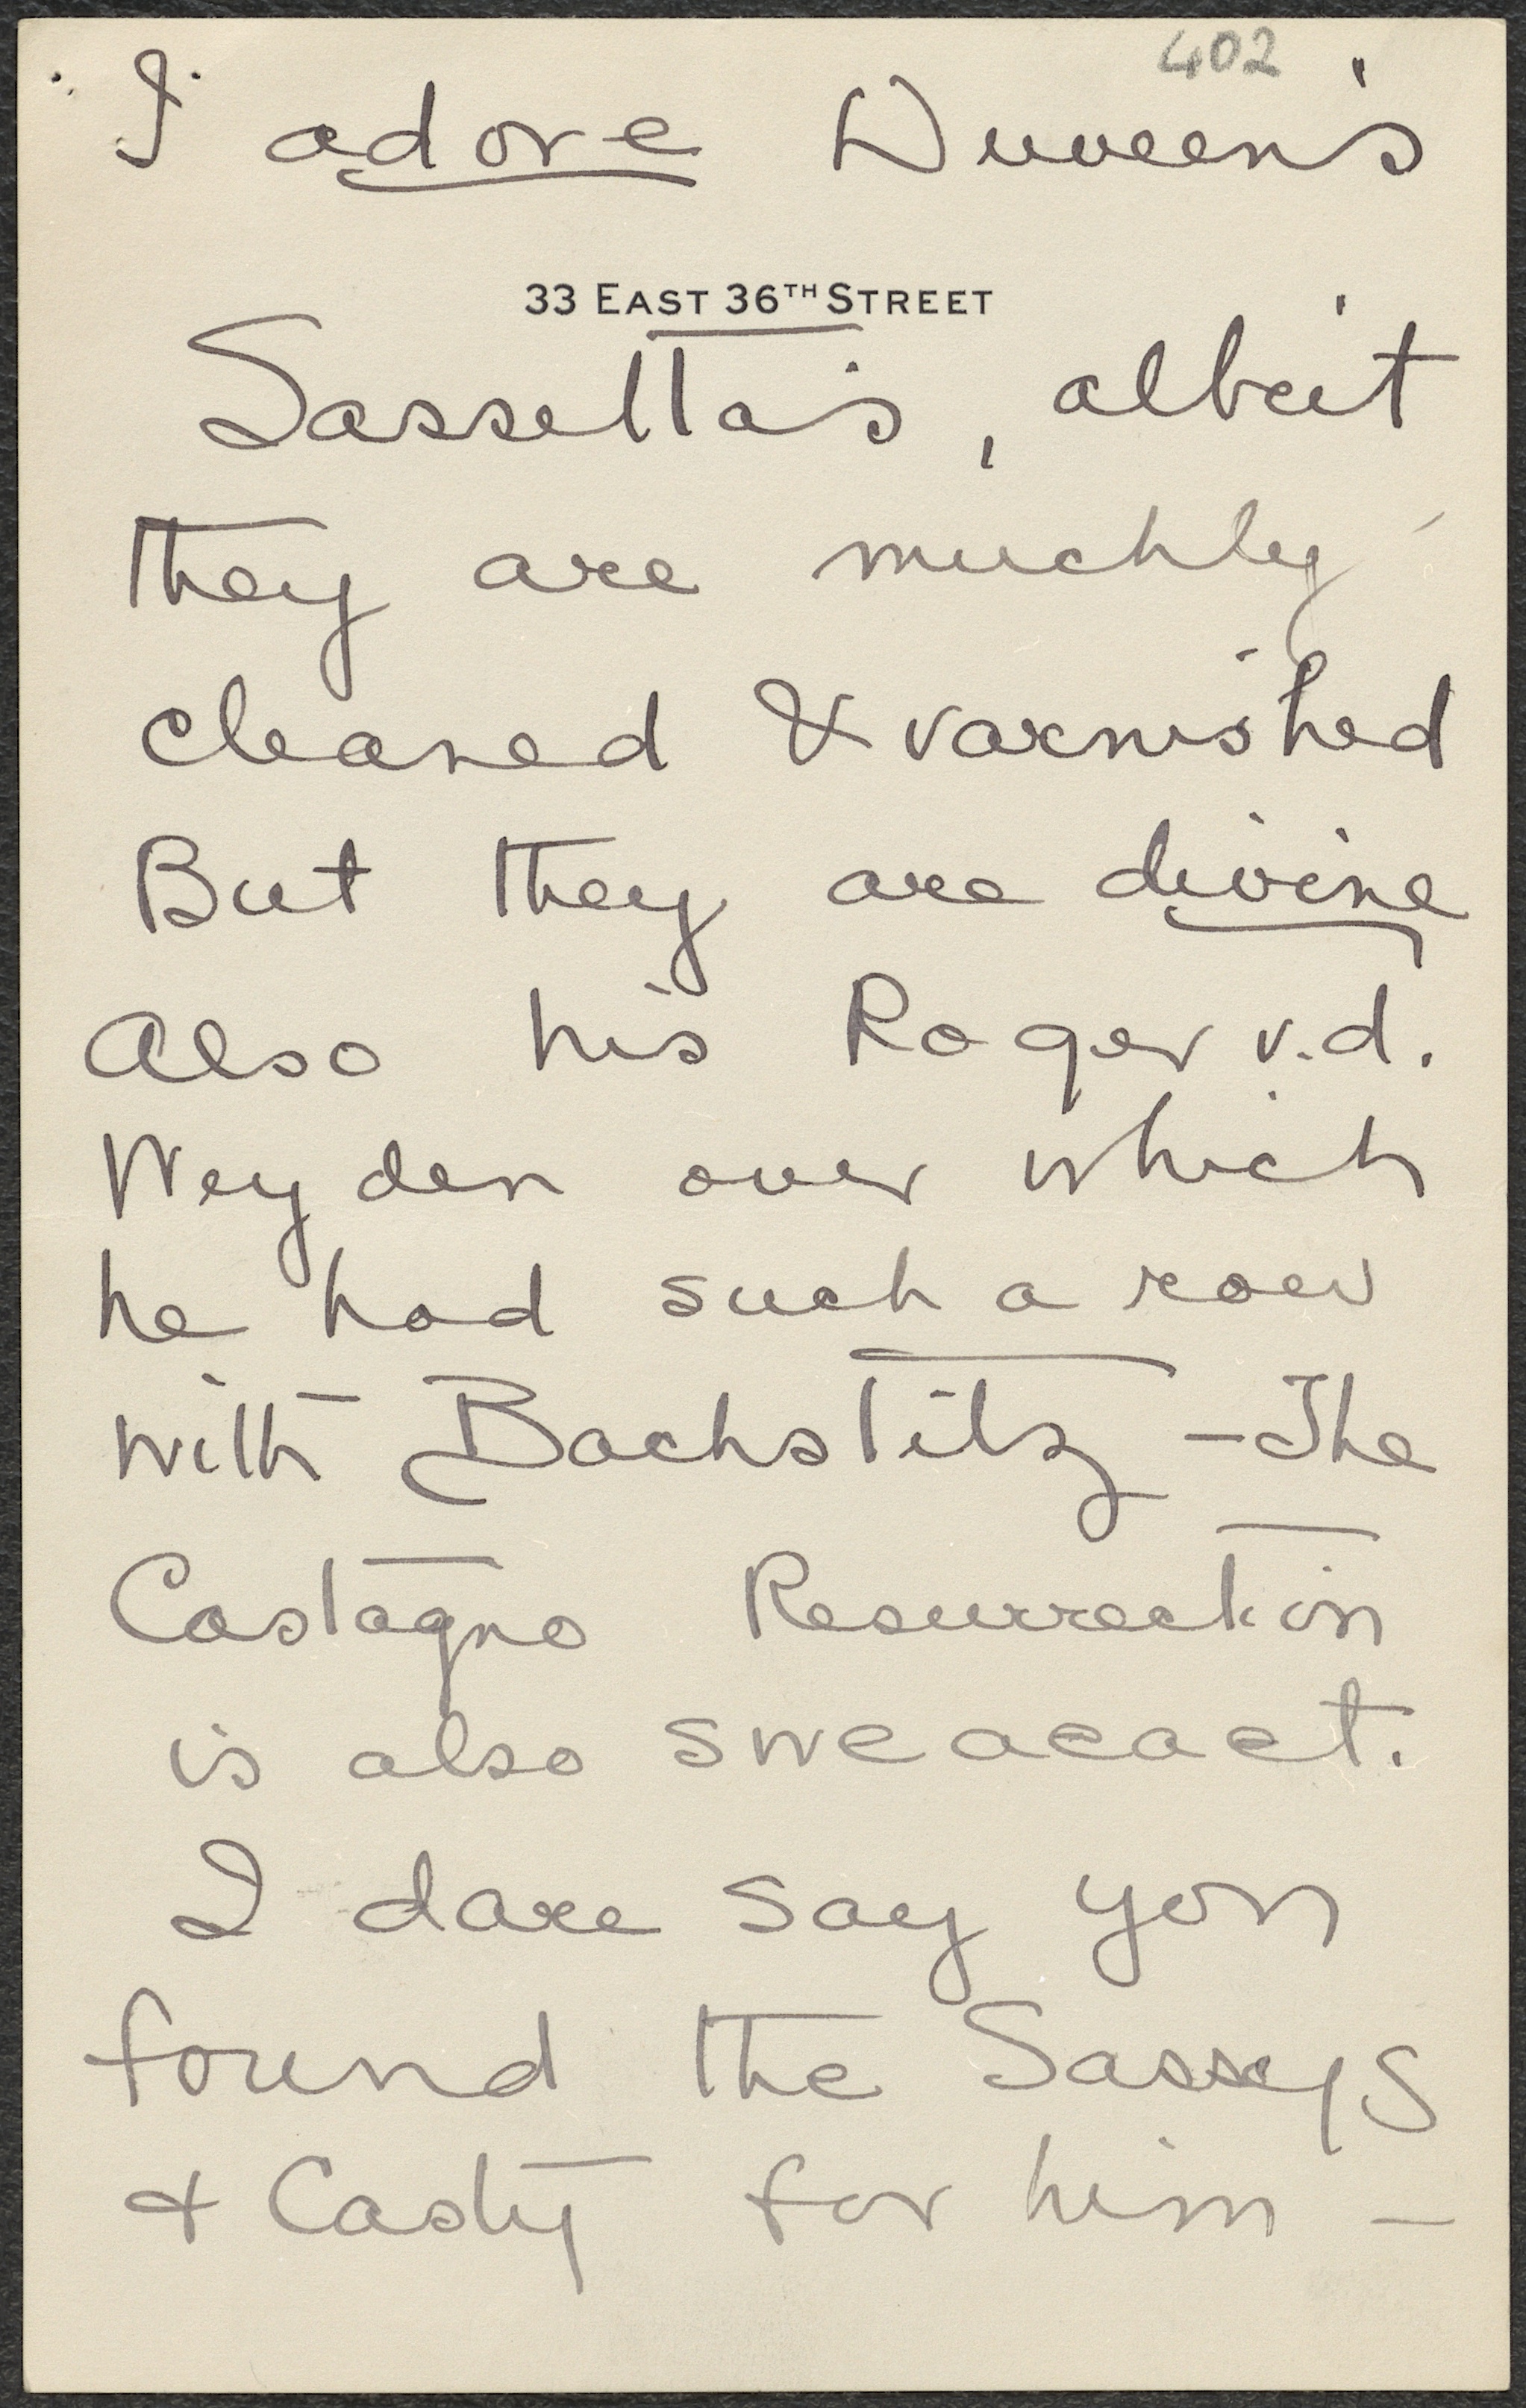I adore Duveen’s Sassetta's, albeit they are muchly cleaned & varnished But they are divine
Also his Roger [sic] v.d. Weyden over which he had such a row with Bachstitz – The Castagno Resurrection is also sweaeaet [sic].
I dare say you found the Sassys & Casty for him –